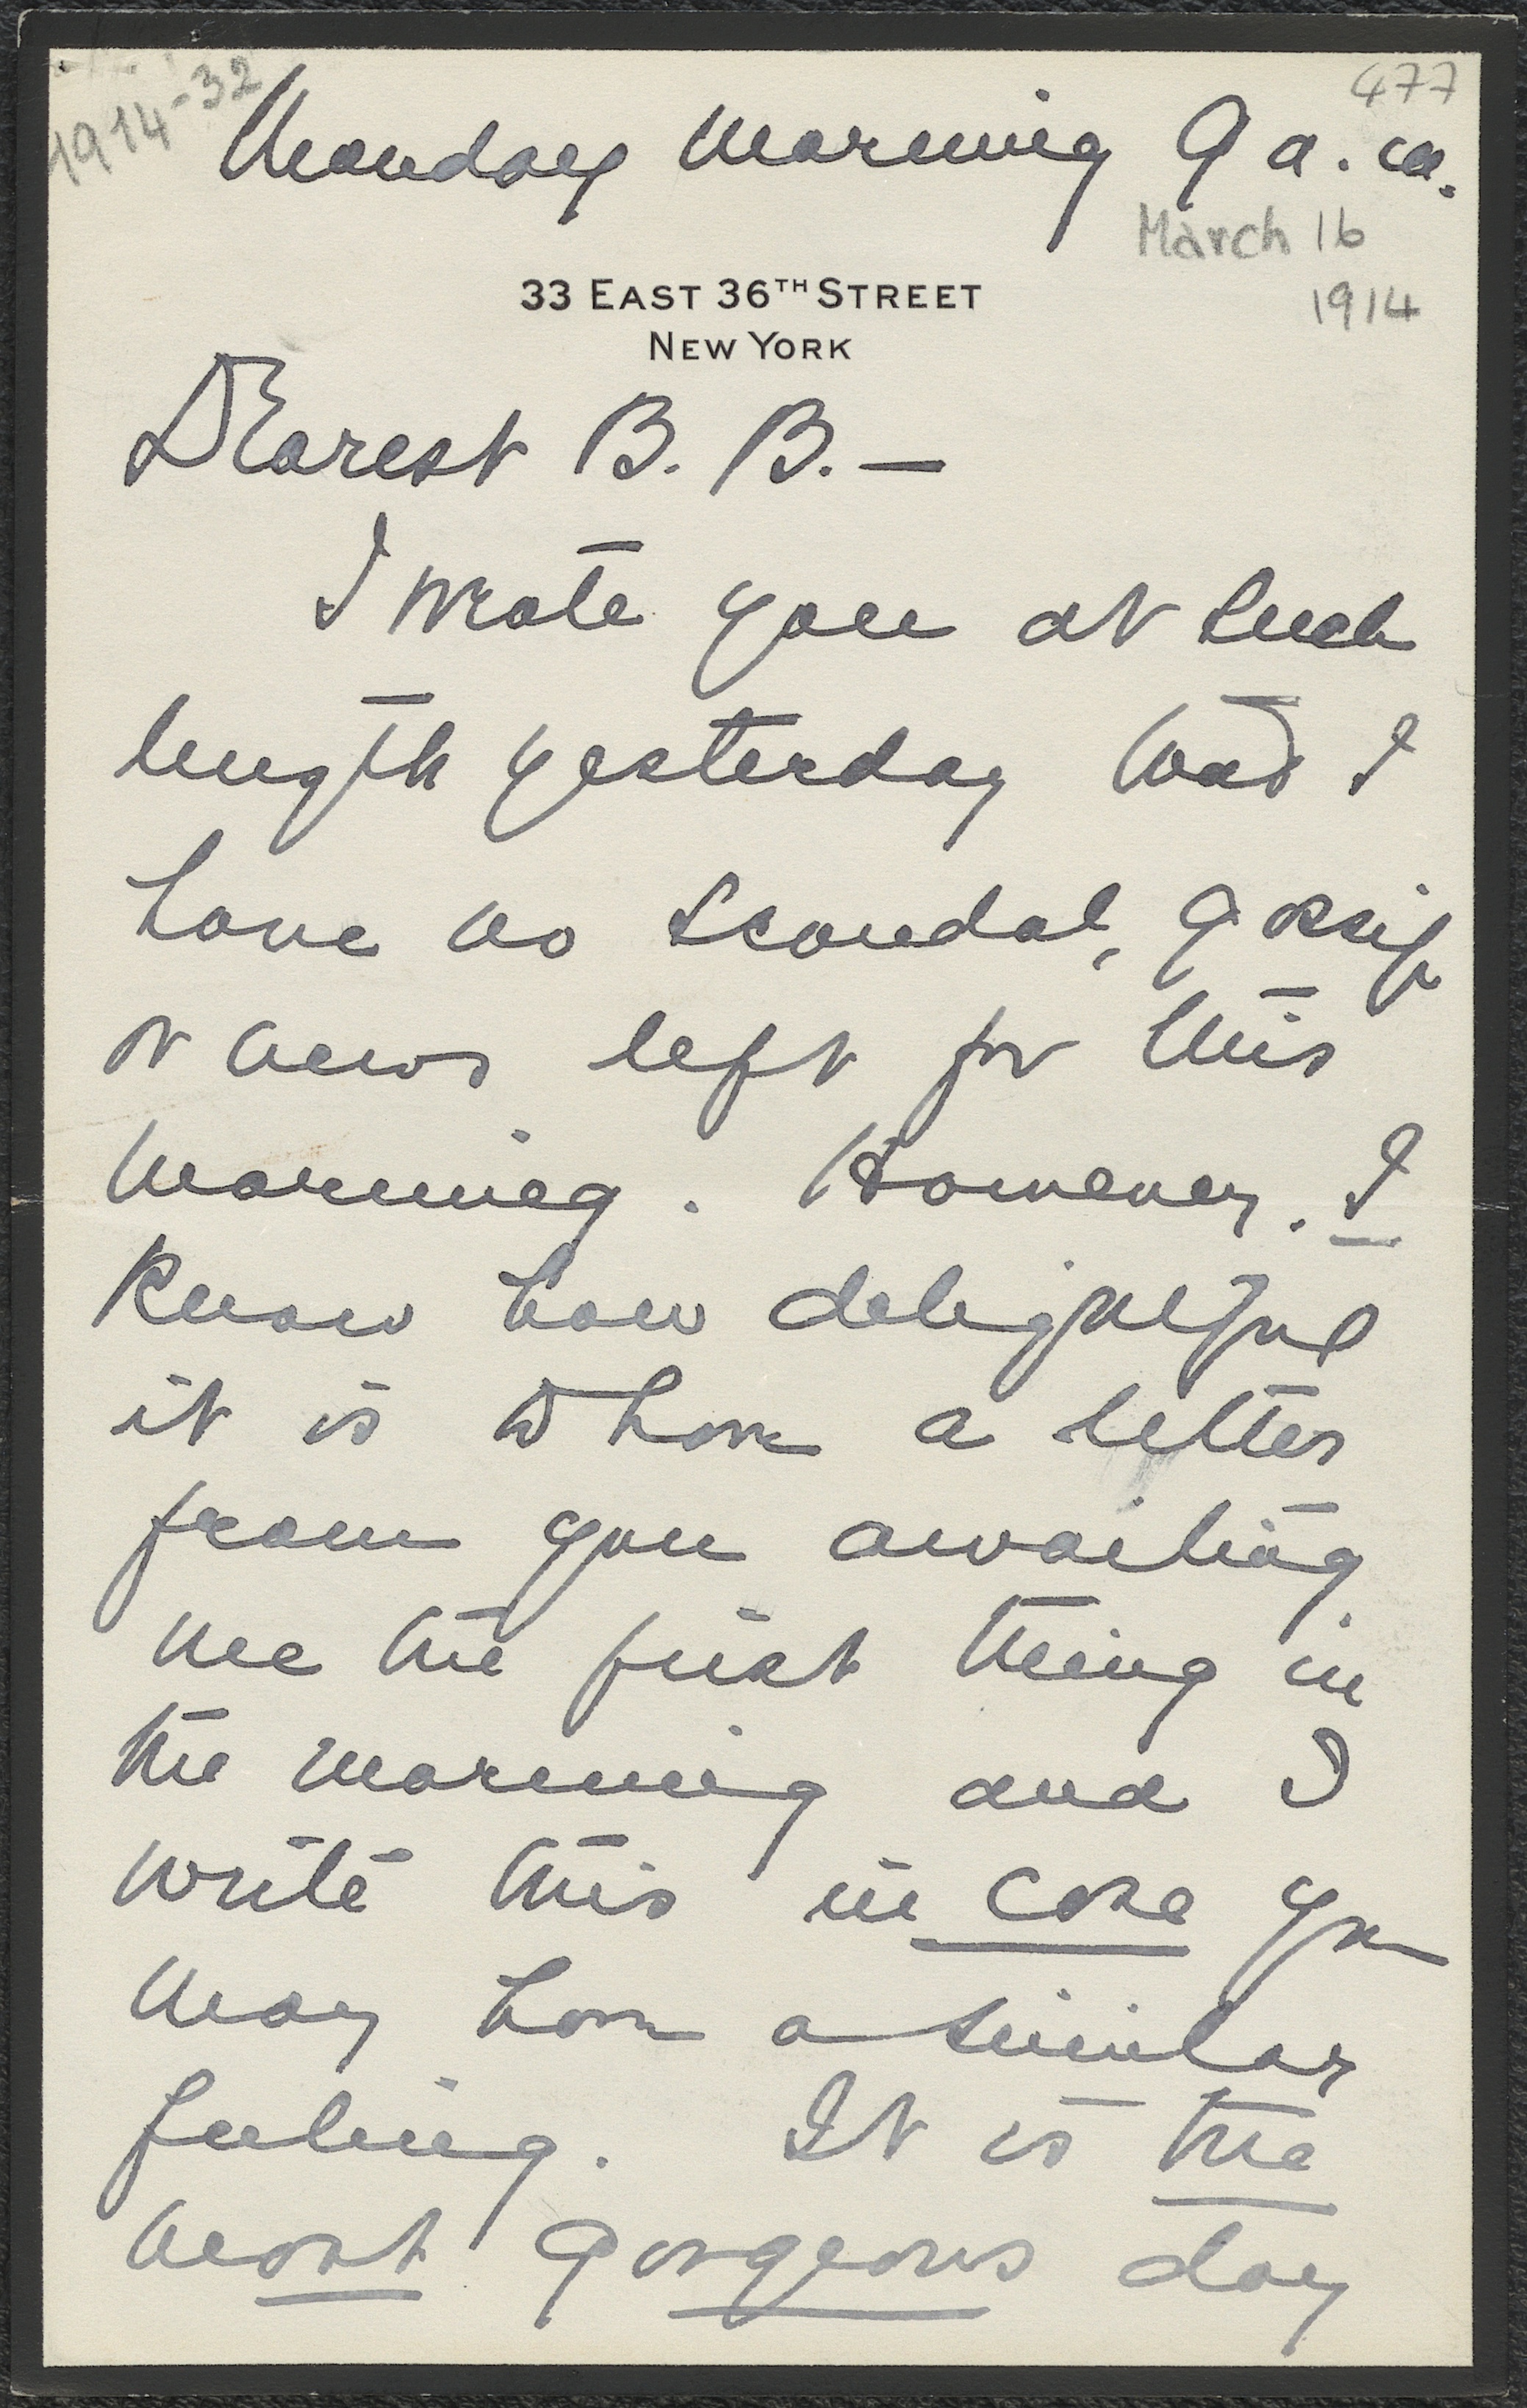Monday morning 9 a.m.
Dearest B.B. –
I wrote you at such length yesterday that I have no scandal, gossip or news left for this morning. However, I know how delightful it is to have a letter from you awaiting me the first thing in the morning and I write this in case you may have a similar feeling. It is the most gorgeous day